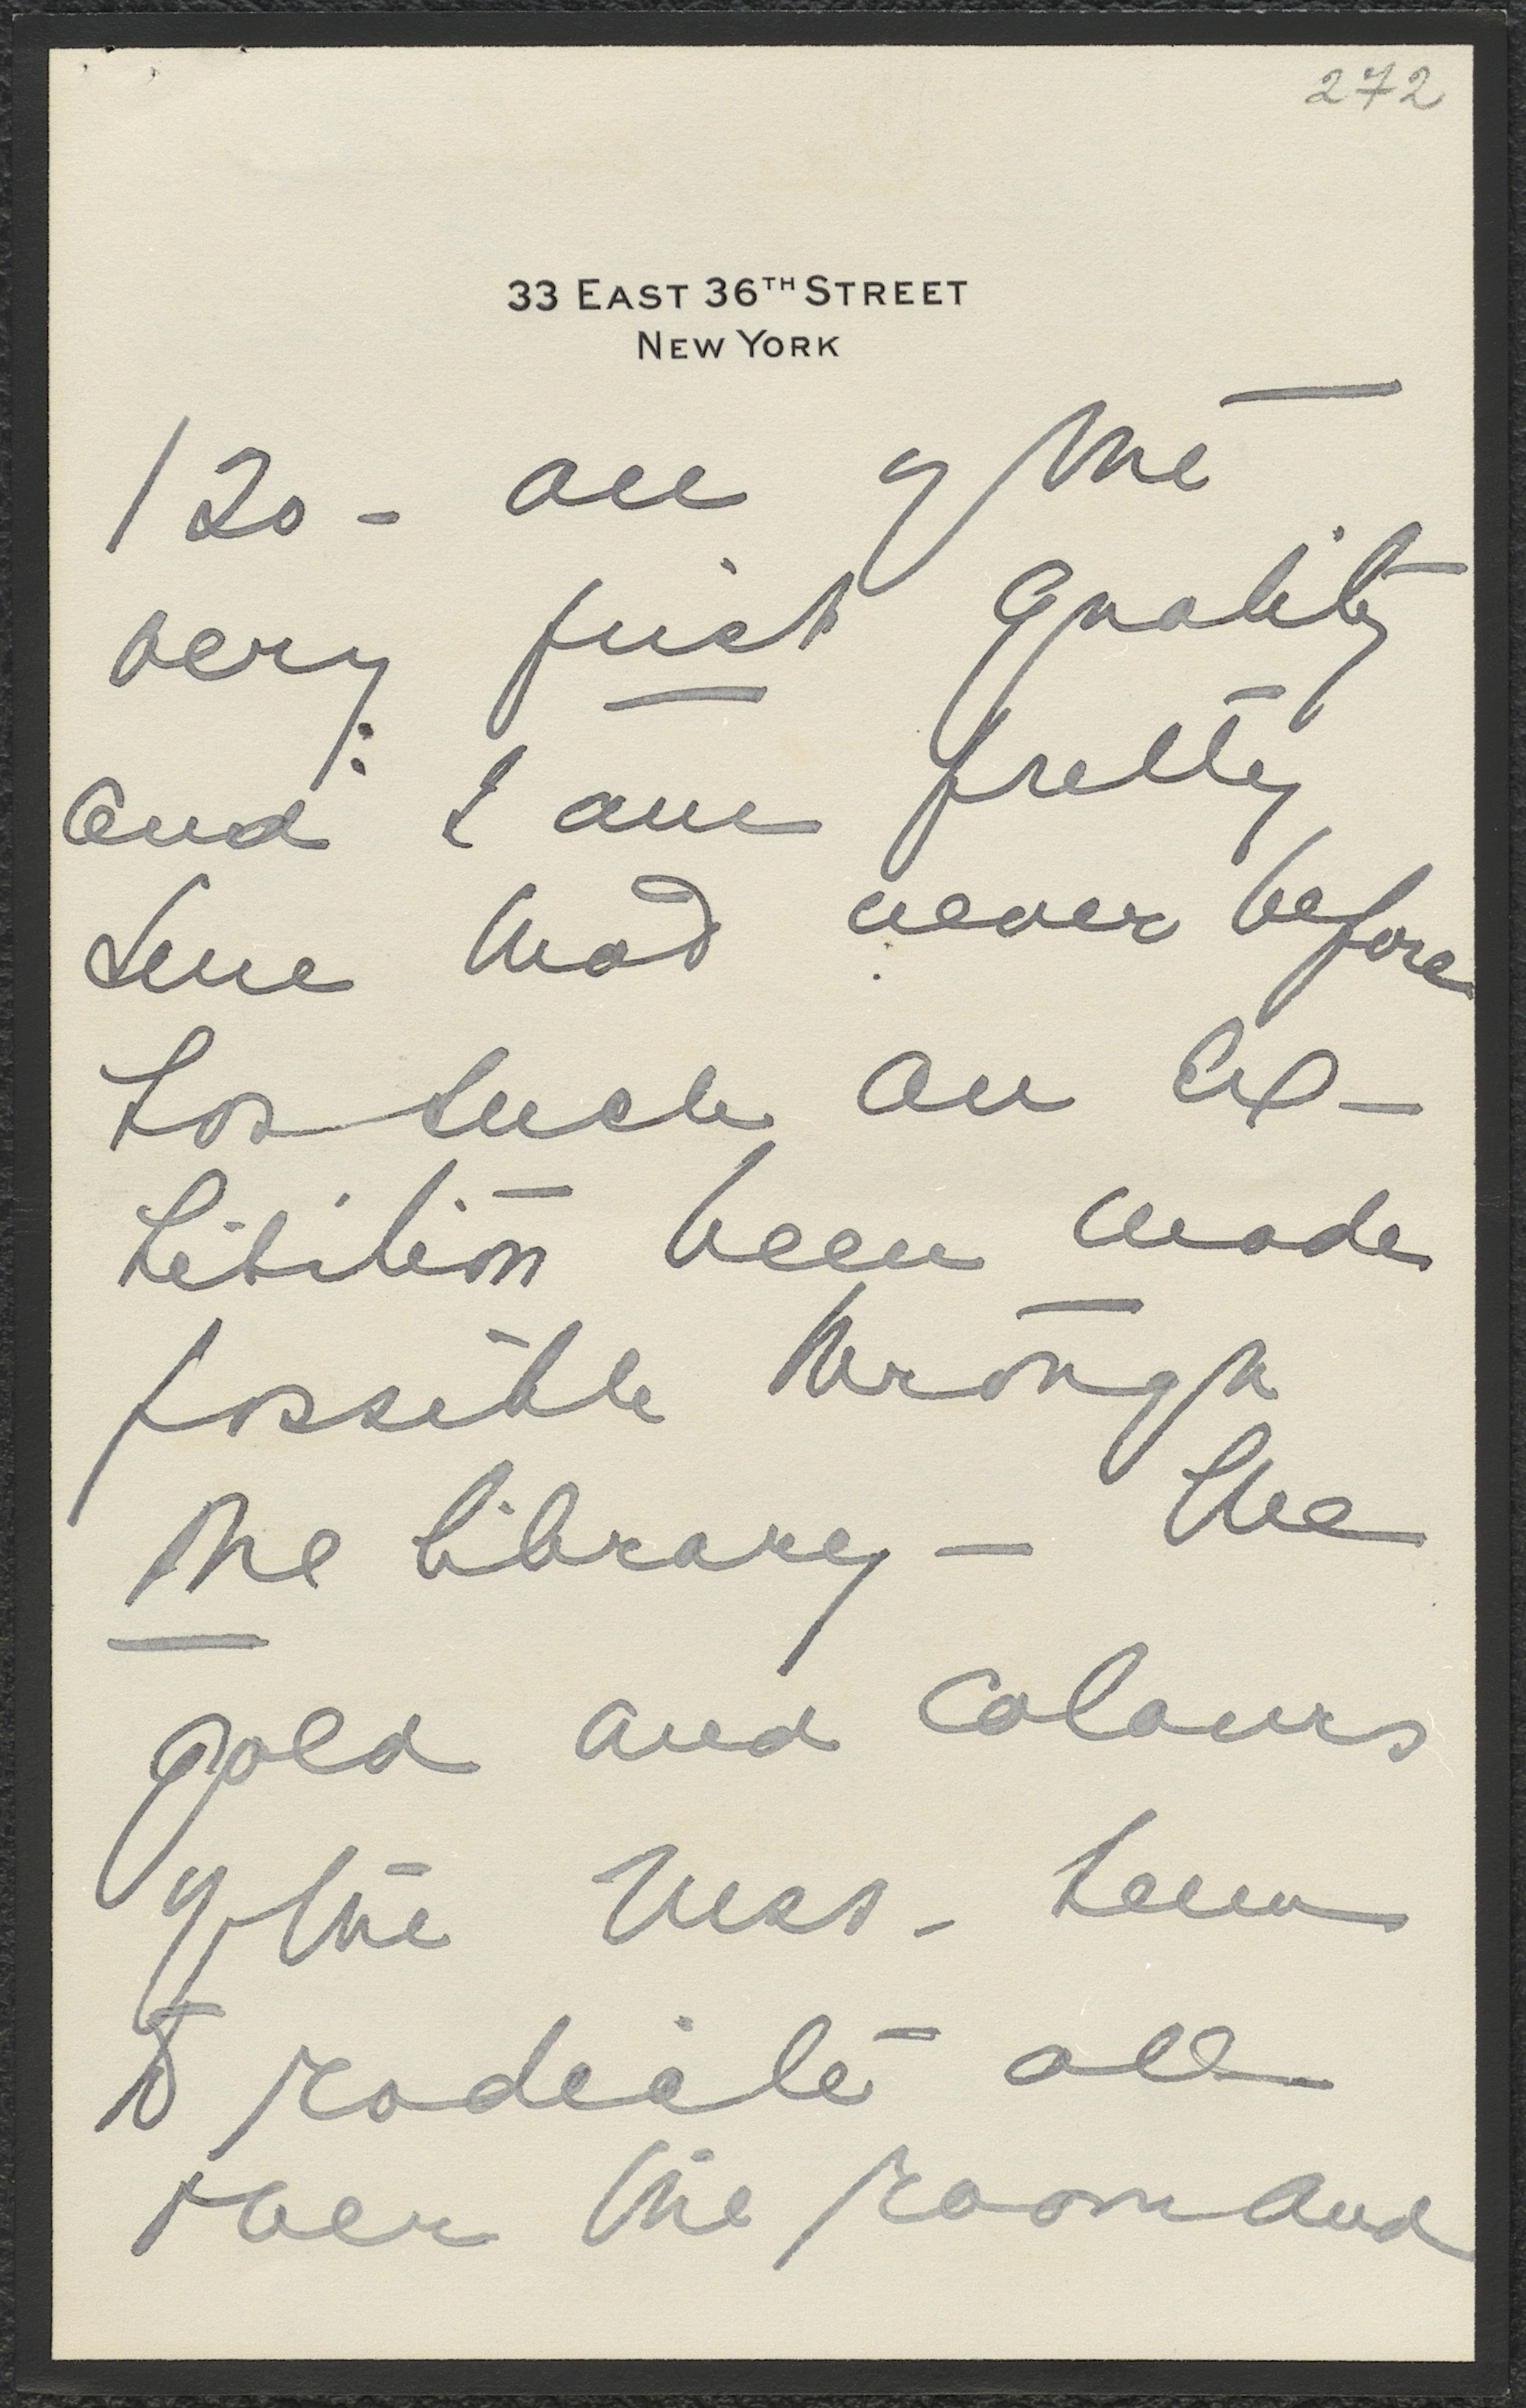120 – all of the very first quality and I am finally sure that never before has such an exhibition been made possible through one library – The gold and colours of the Mss. seem to radiate all over the room and